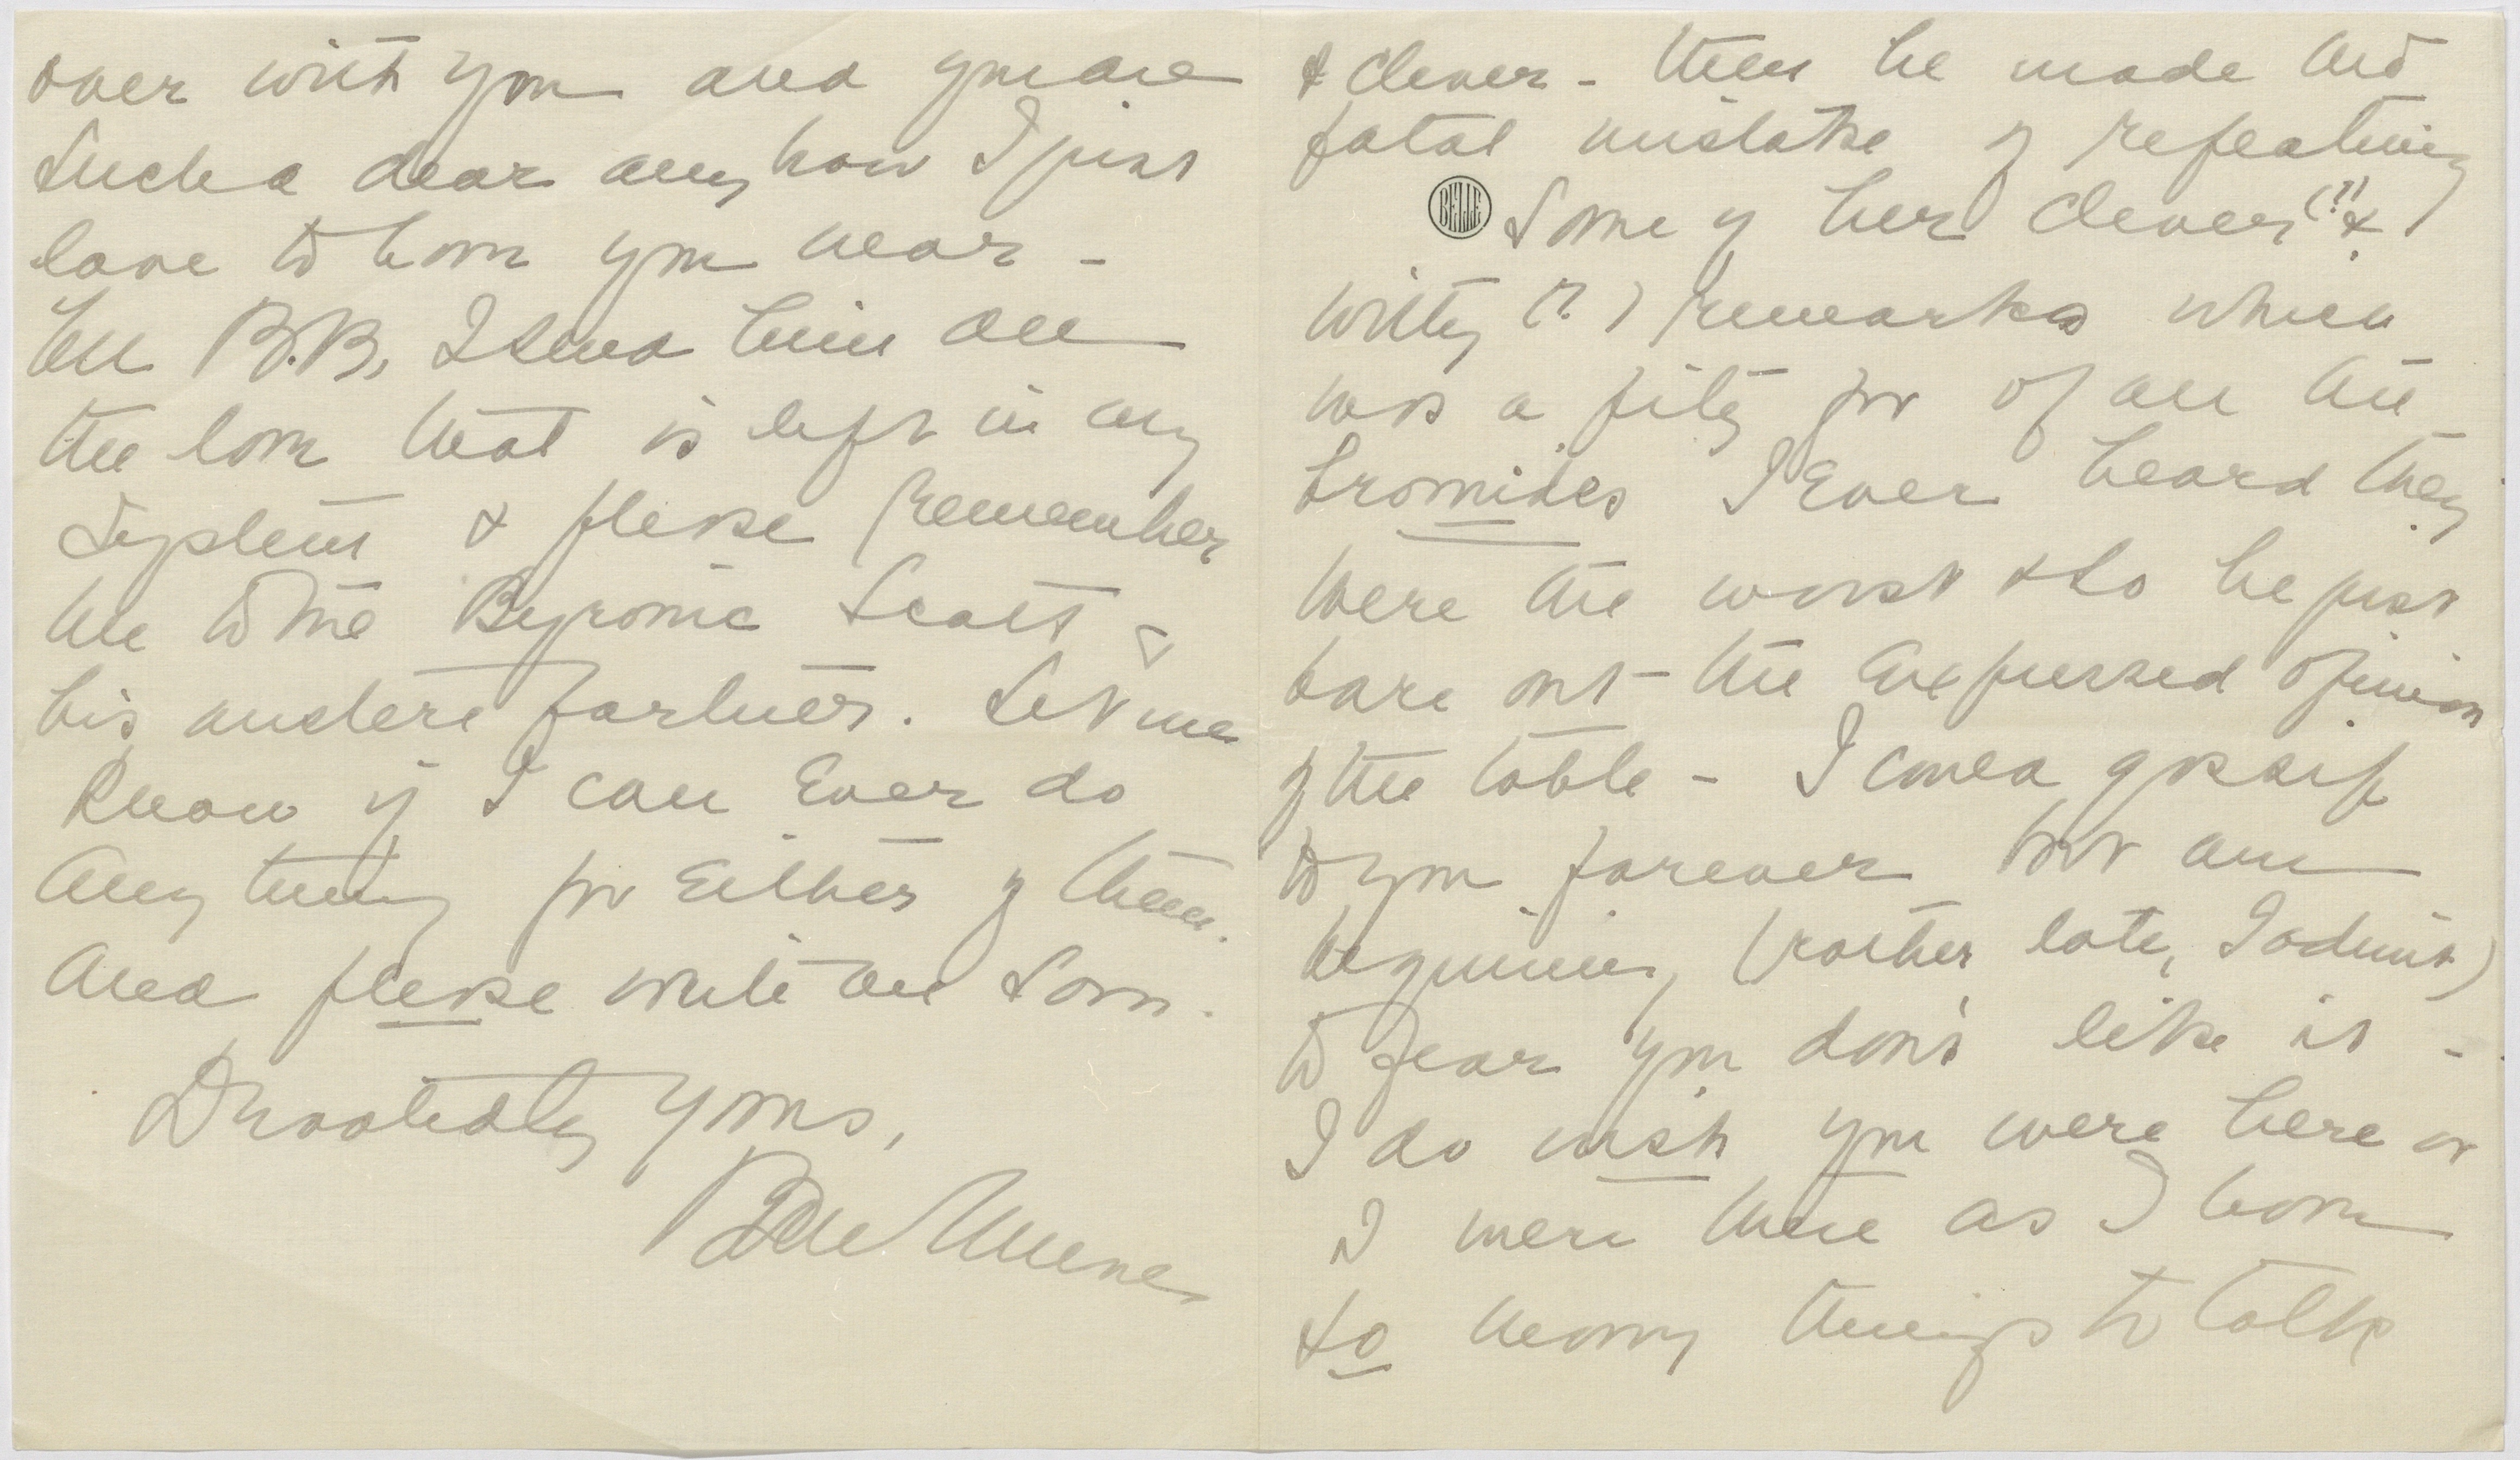& [sic] clever – then he made the fatal mistake of repeating some of her clever [^(?)^] & witty (?) remarks which was a pity for of all the [double underlined: bromides] I ever heard they were the worst & so he just bore out the expressed opinion of the table – I could gossip to you forever but am beginning (rather late, I admit) to fear you don’t like it – I do wish you were here or I were there as I have so many things to talk
over with you and you are such a dear any how I just love to have you near –
Tell B. B, I send him all the love that is left in my system & please remember me to the Byronic Scott & his austere partner. Let me know if I can ever do any thing for either of them. and please write me soon.
Devotedly yours,
Belle Greene